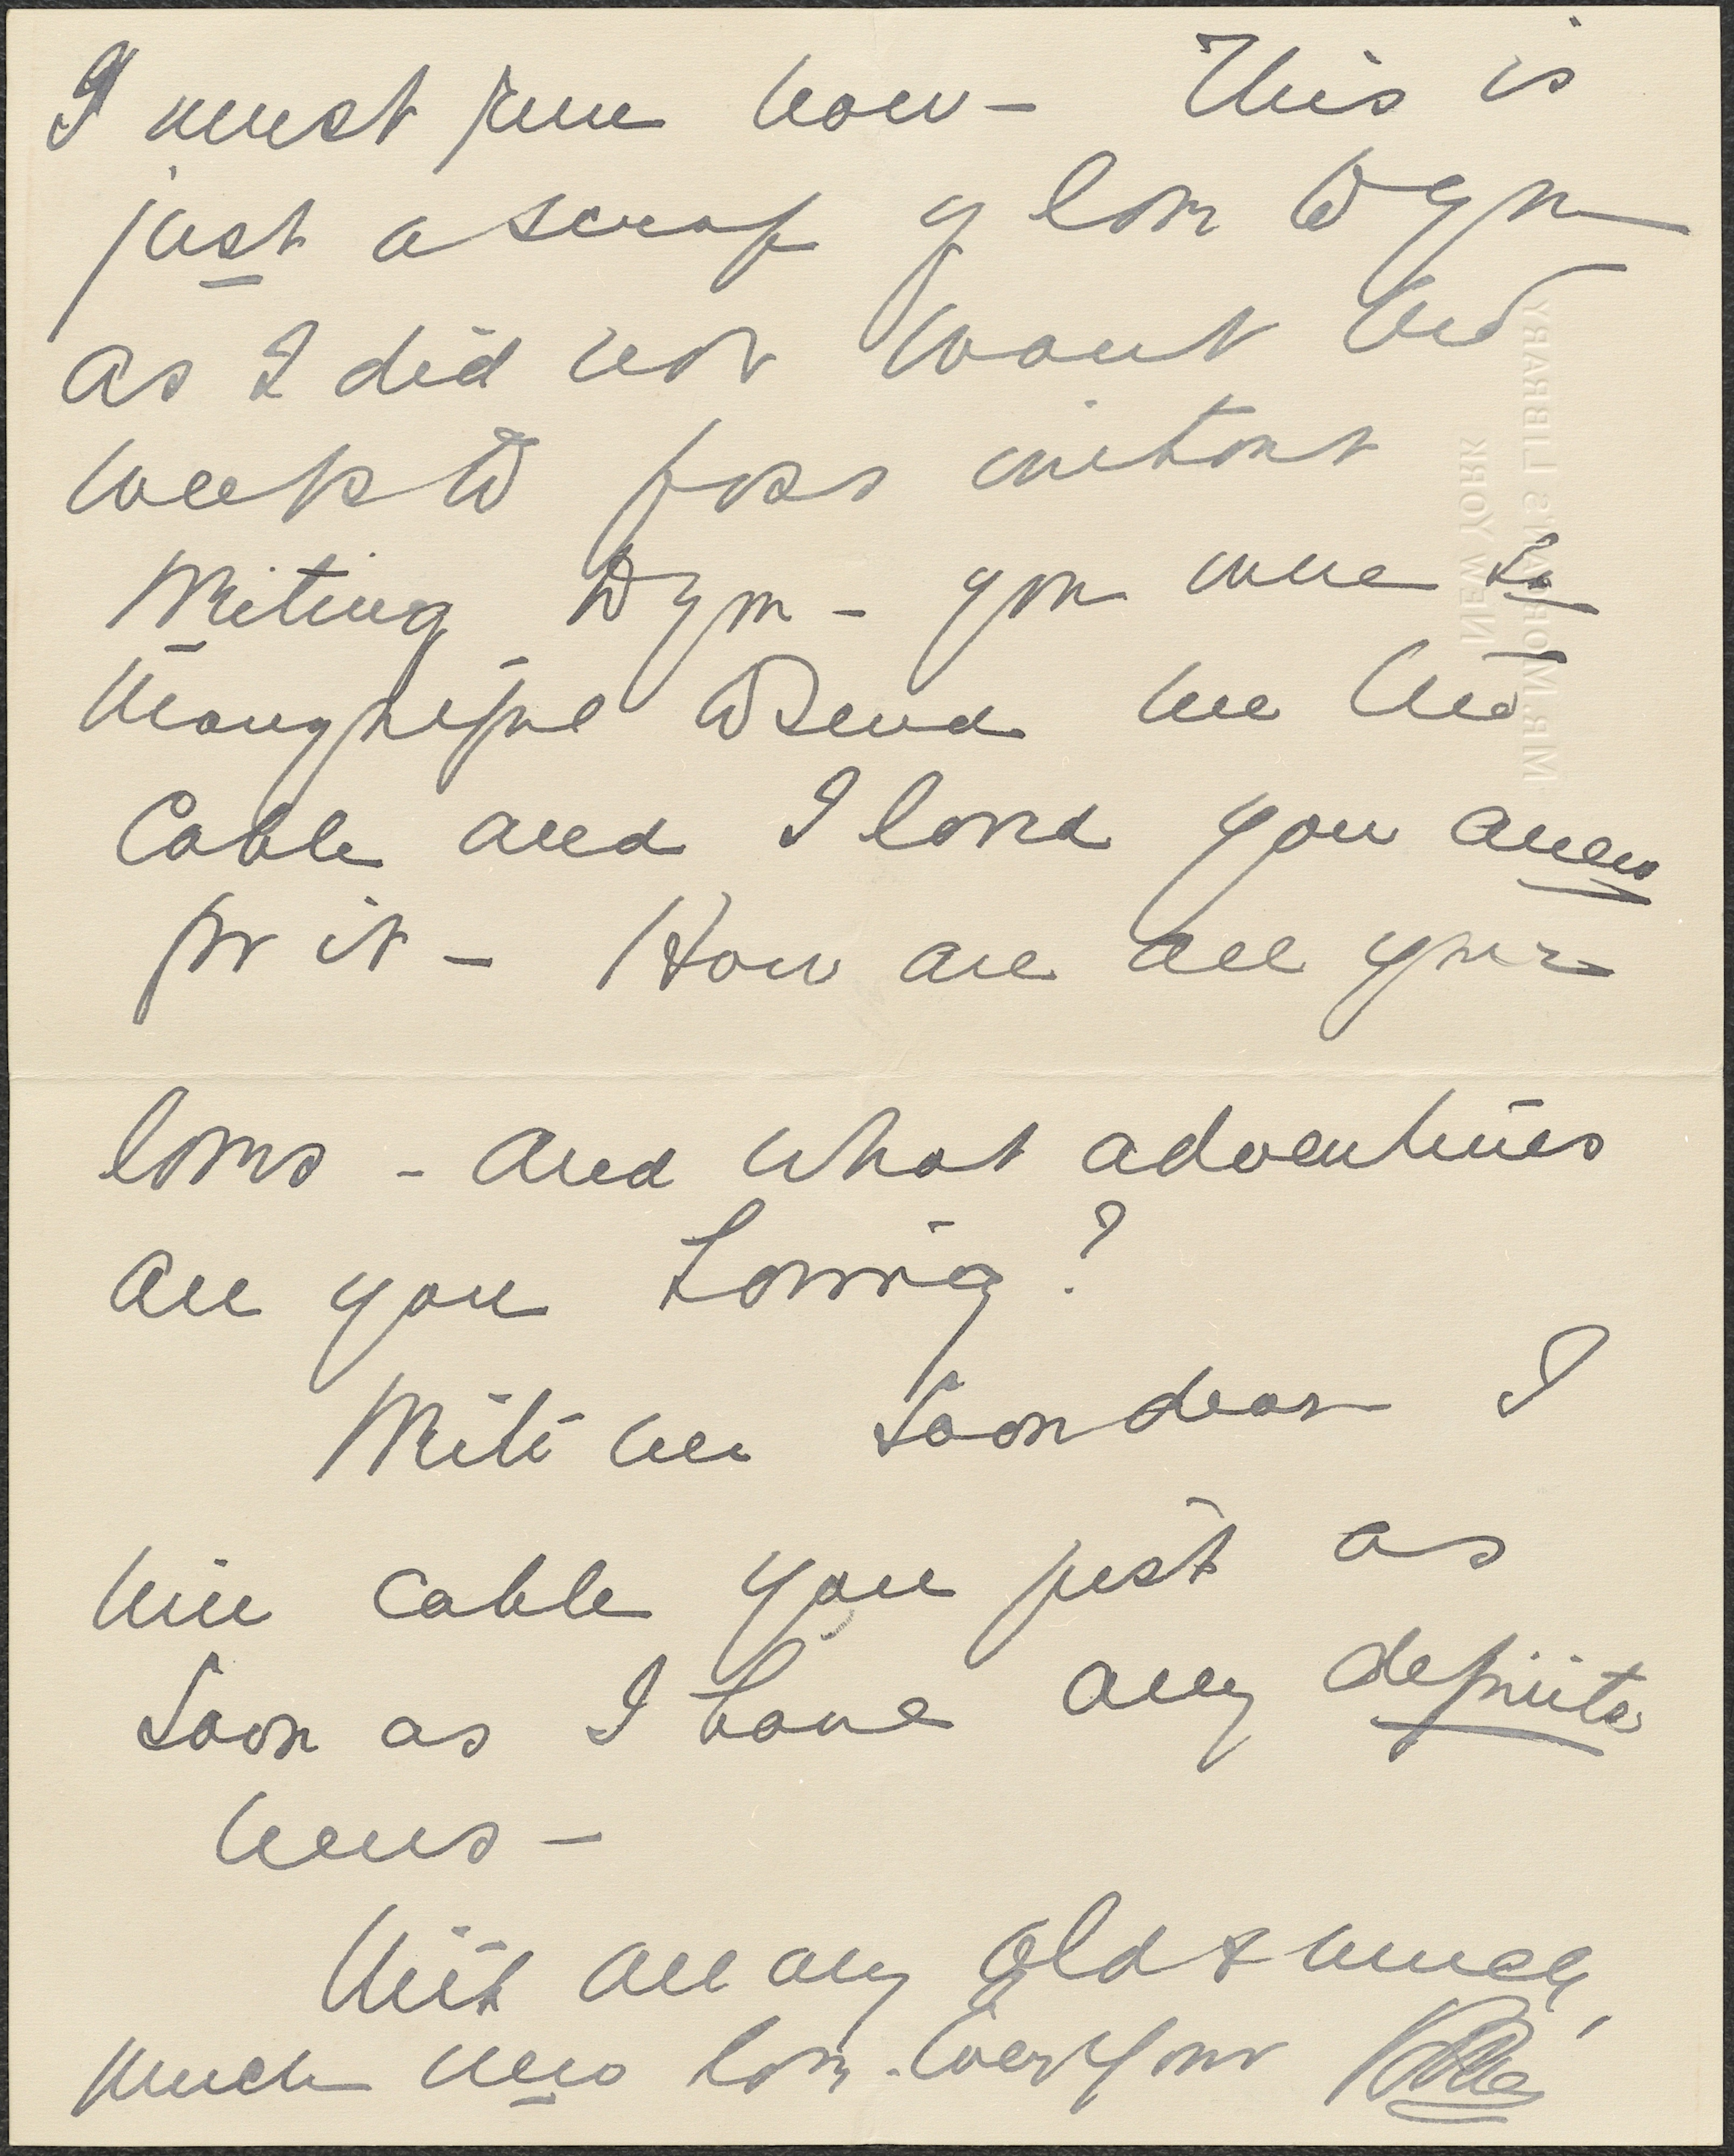I must run now – This is just a scrap of love to you as I did not want the week to pass without writing to you – you were so thoughtful to send me the cable and I loved you anew for it – How are all your loves – and what adventures are you having?
Write me soon dear – I will cable you just as soon as I have any definite news –
With all my old & much, much new love. Every Your Belle